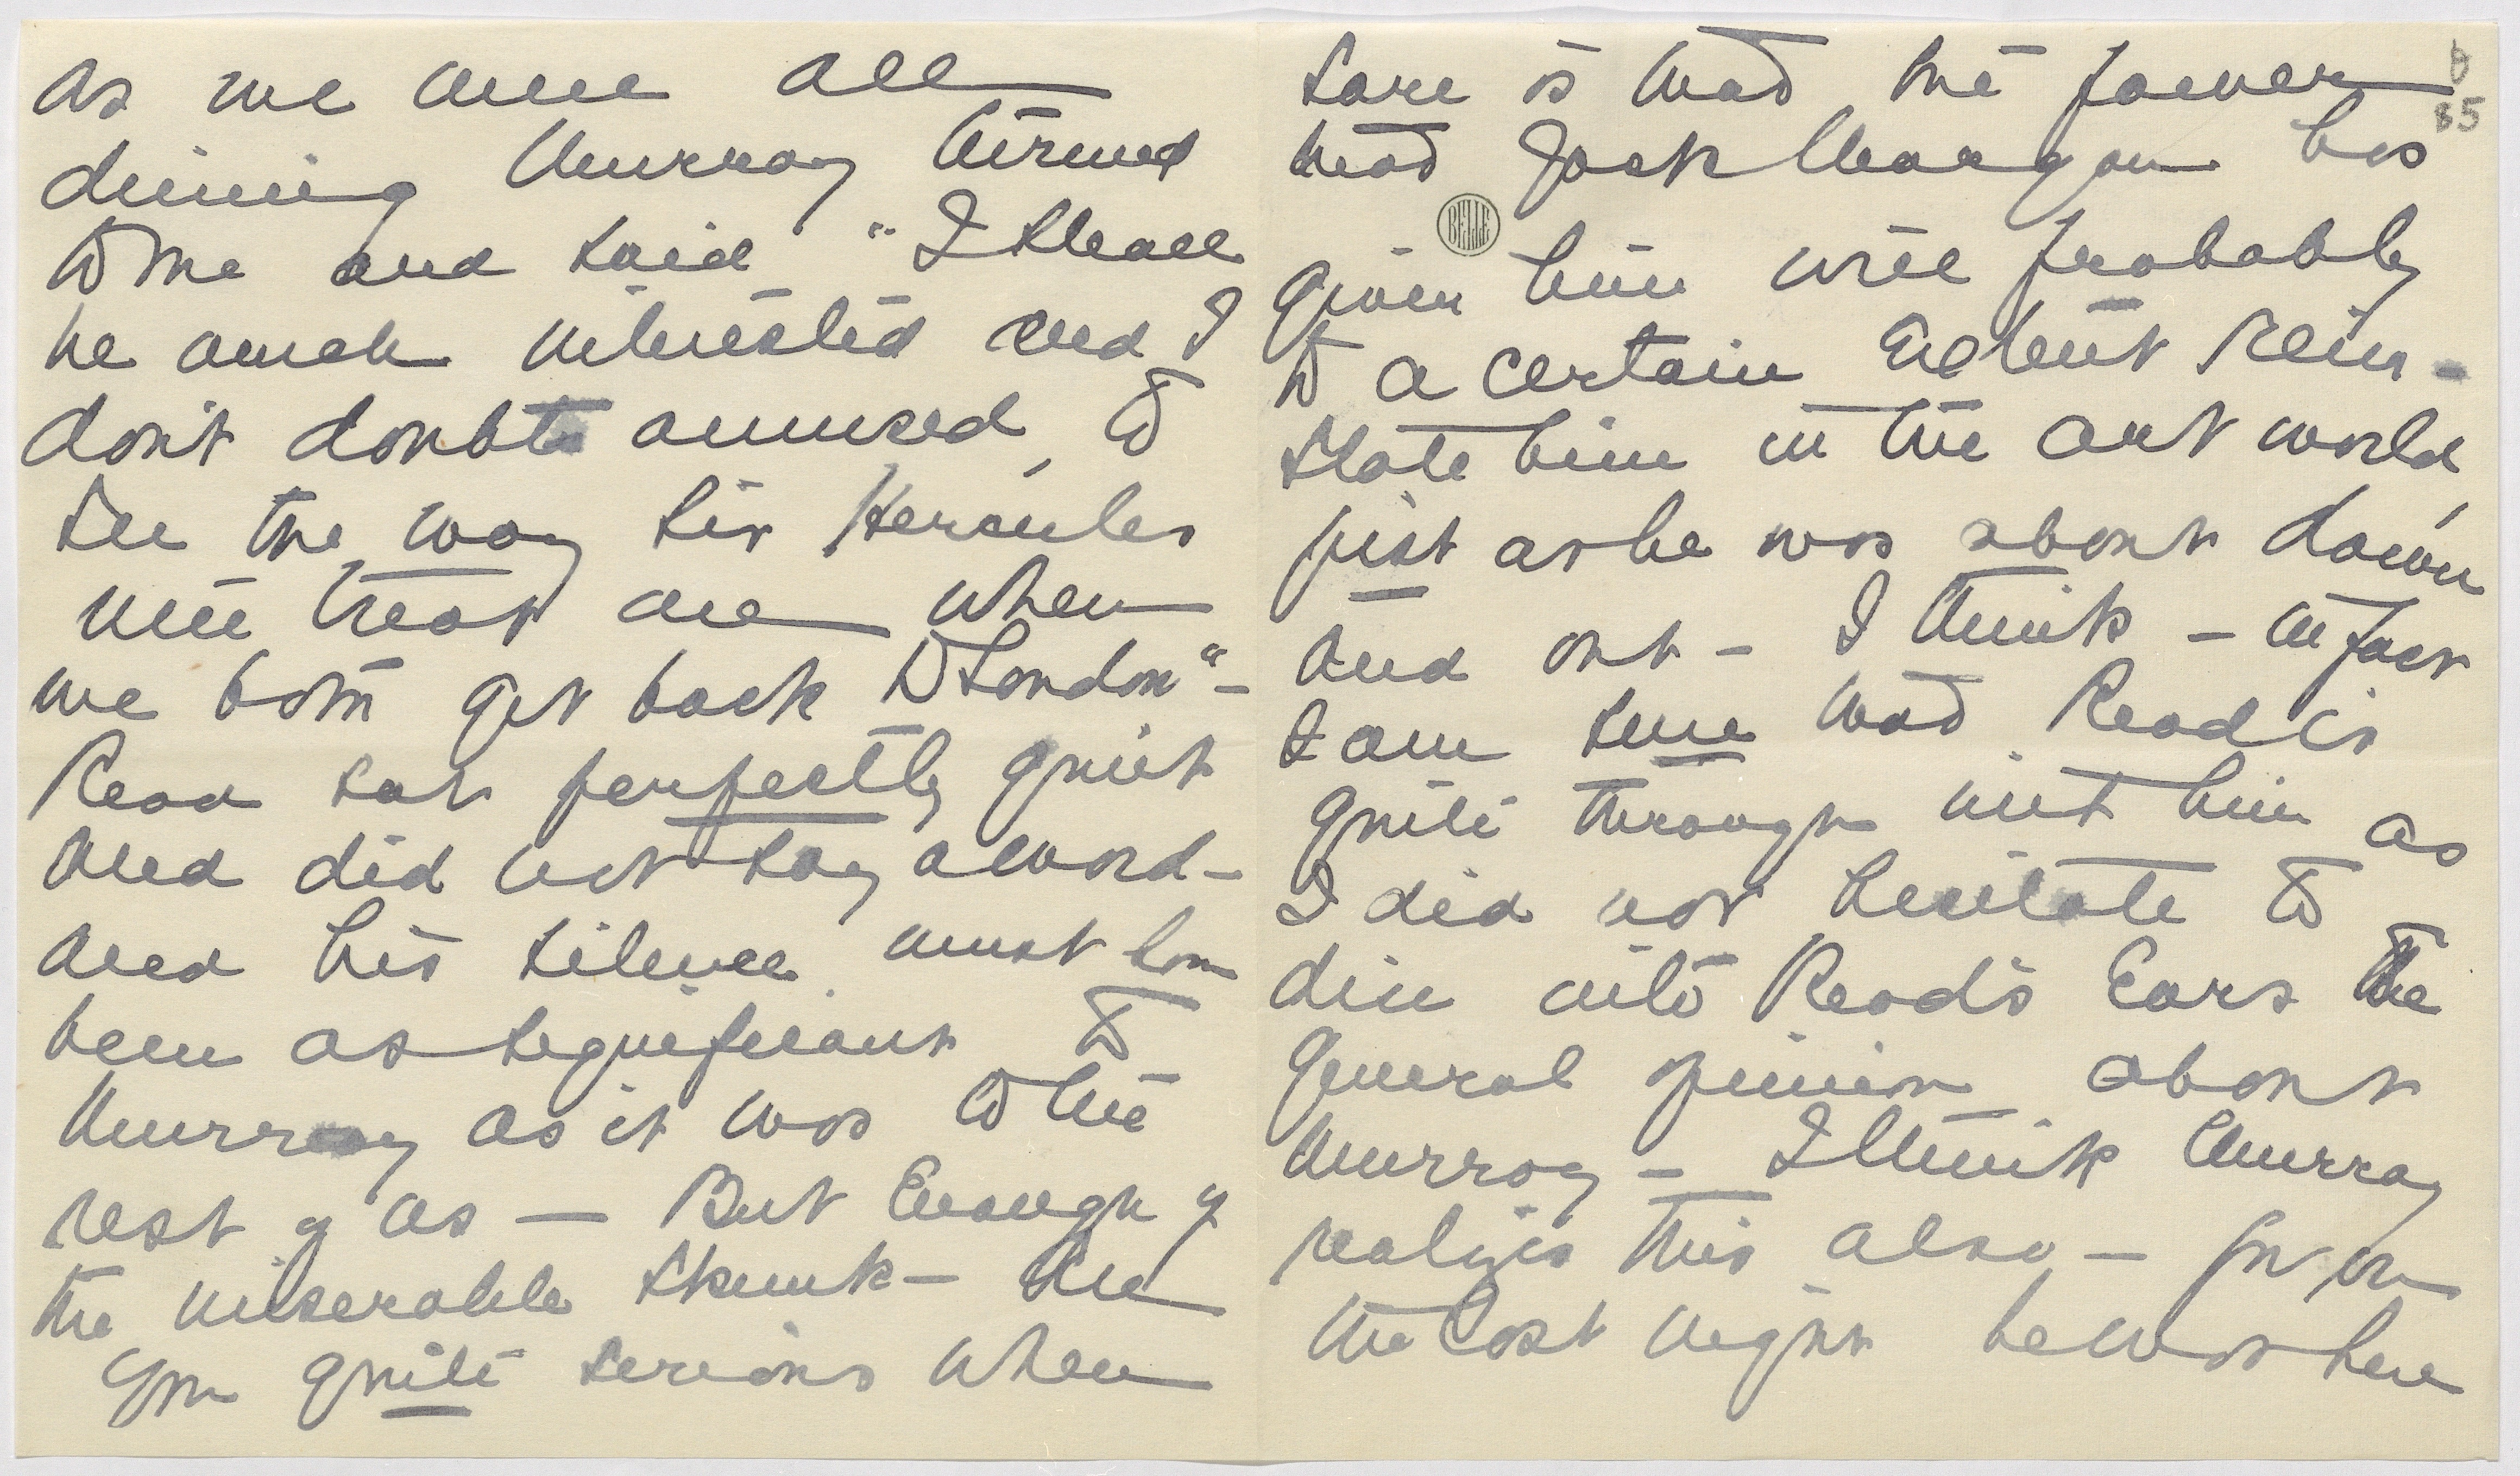sore is that the favor that Jack Morgan has given him will probably to a certain exten reinstate him in the art world, just as he was about down and out – I think – in fact I am sure that Read is quite through with him as I did not hesitate to dive into Read’s Ears the general opinion about Murray – I think Murray realizes this also – for on the last night he was here
as we were all dining Murray turned to me and said “I shall be much interested and I don’t doubt amused, to see the way Sir Hercules will treat me when we both get back to London” – Read sat perfectly quiet and did not say a world – and his silence must have been as significant to Murray as it was to the rest of as – But enough of the miserable skunk – are you quite serious when